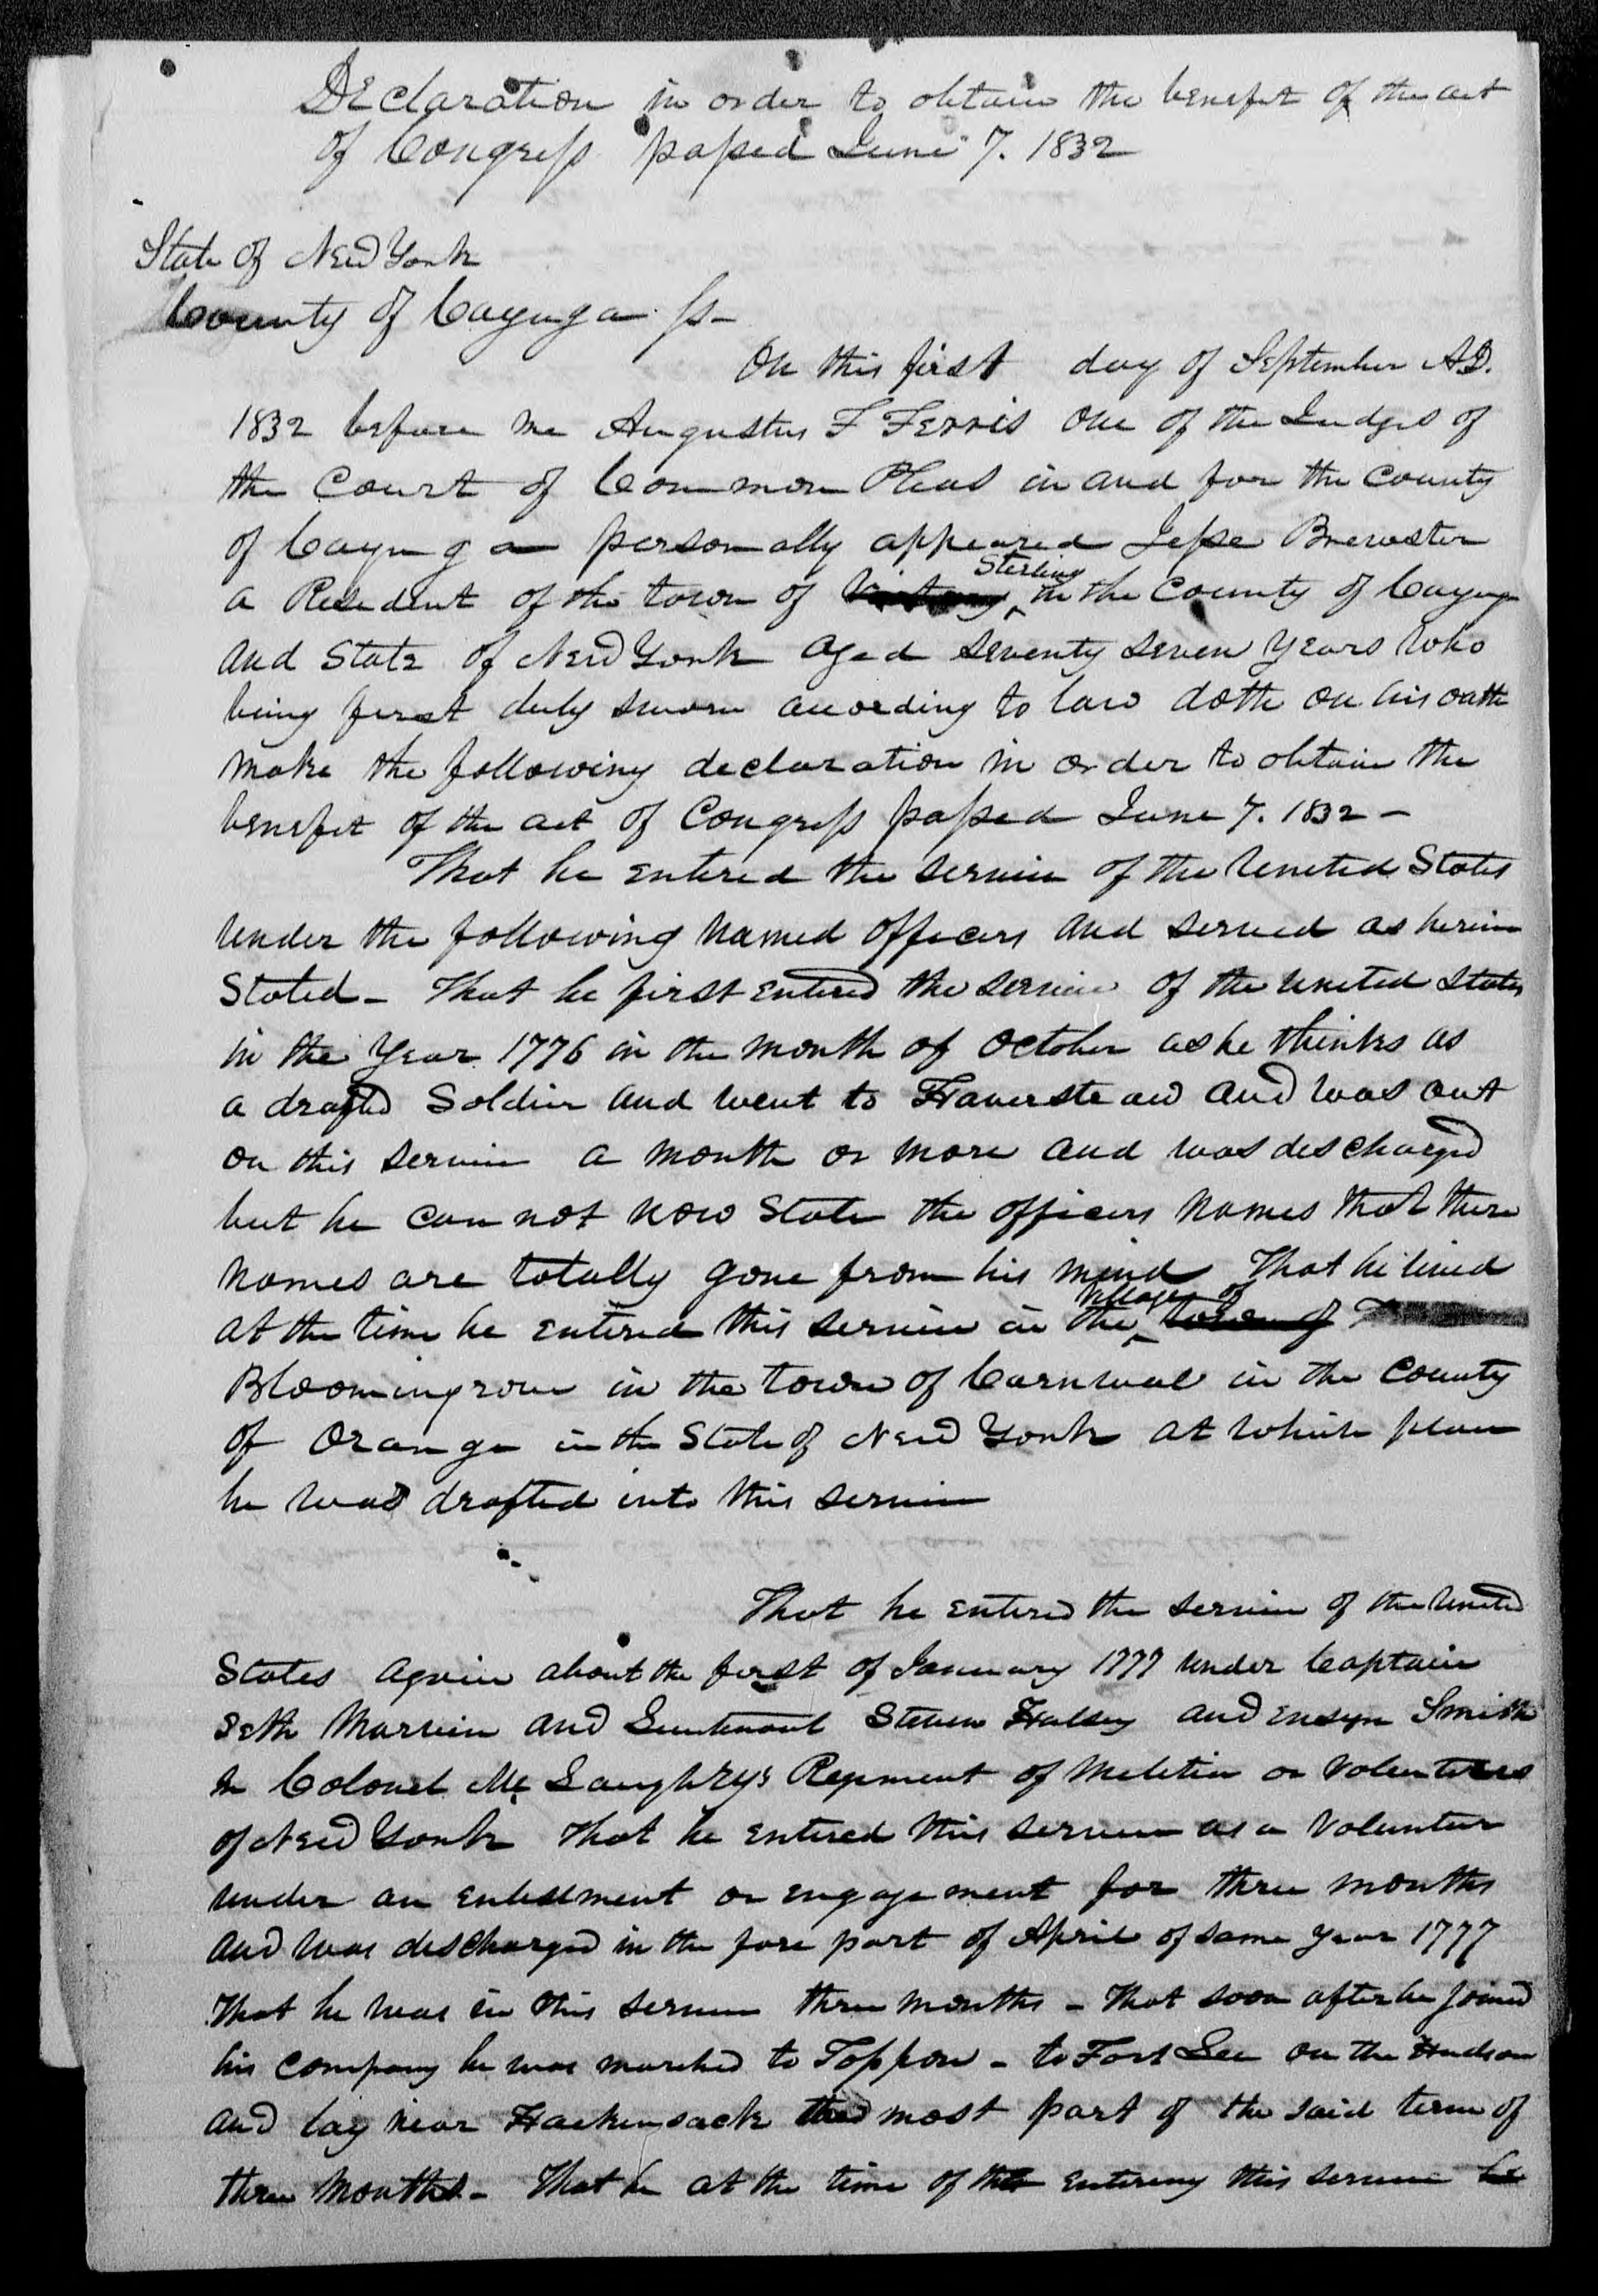Declaration in order to obtain the benefits of the Act of Congress passed June 7 1832
State of New York County of Cayuga Js
On the first day of September AD. 1832 before me Augustus F Ferris on of the Judges of the court of Common Pleas in and for the county of Cayuga personally appeared Jesse Brewster a Resident of the town of Sterling in the county of Cayuga and State of New York aged seventy seven years who being first duly sworn according to law doth on his oath make the following declaration in order to obtain the benefit of the act of congress passed June 7 1832.
That he entered the service of the United States under the following named officers and served as herein stated. That he first entered the service of the United States in the year 1776 in the month of October as he thinks as a drafted soldier and went to Haverstraw and was out on this service a month or more and was discharged but he cannot now state the officers names that there names are totally gone from his mind. That he lived at teh time he entered this service in the village of Bloomingrove in the town of Cornwall in the county of Orange in the State of New York at which Jesse was drafted into this service.
That he entered the service of the United States again about the first of January 1777 under Captain Seth Marvin and Lieutenent Steven Hulsey and ensyn Smith in Colonel McSaughry's Regiment of militia or volunteer of New York that he entered this service as a volunteer under an enlistment or engagement for three months and was discharged in the fore part of April of same year 1777 that he was in this service three months that soon after he joined his company he was marched to Tappan to Fort See on the Hudson and lay near Hackensack the most part of the said term of three months. That he at the time of the entering this service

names: Jesse Brewster, Steven Hulsey, Seth Marvin, Smith, Augustus F Ferris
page: 20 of 26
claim: survivor's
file: S. 12,291, Jesse Brewster, New York